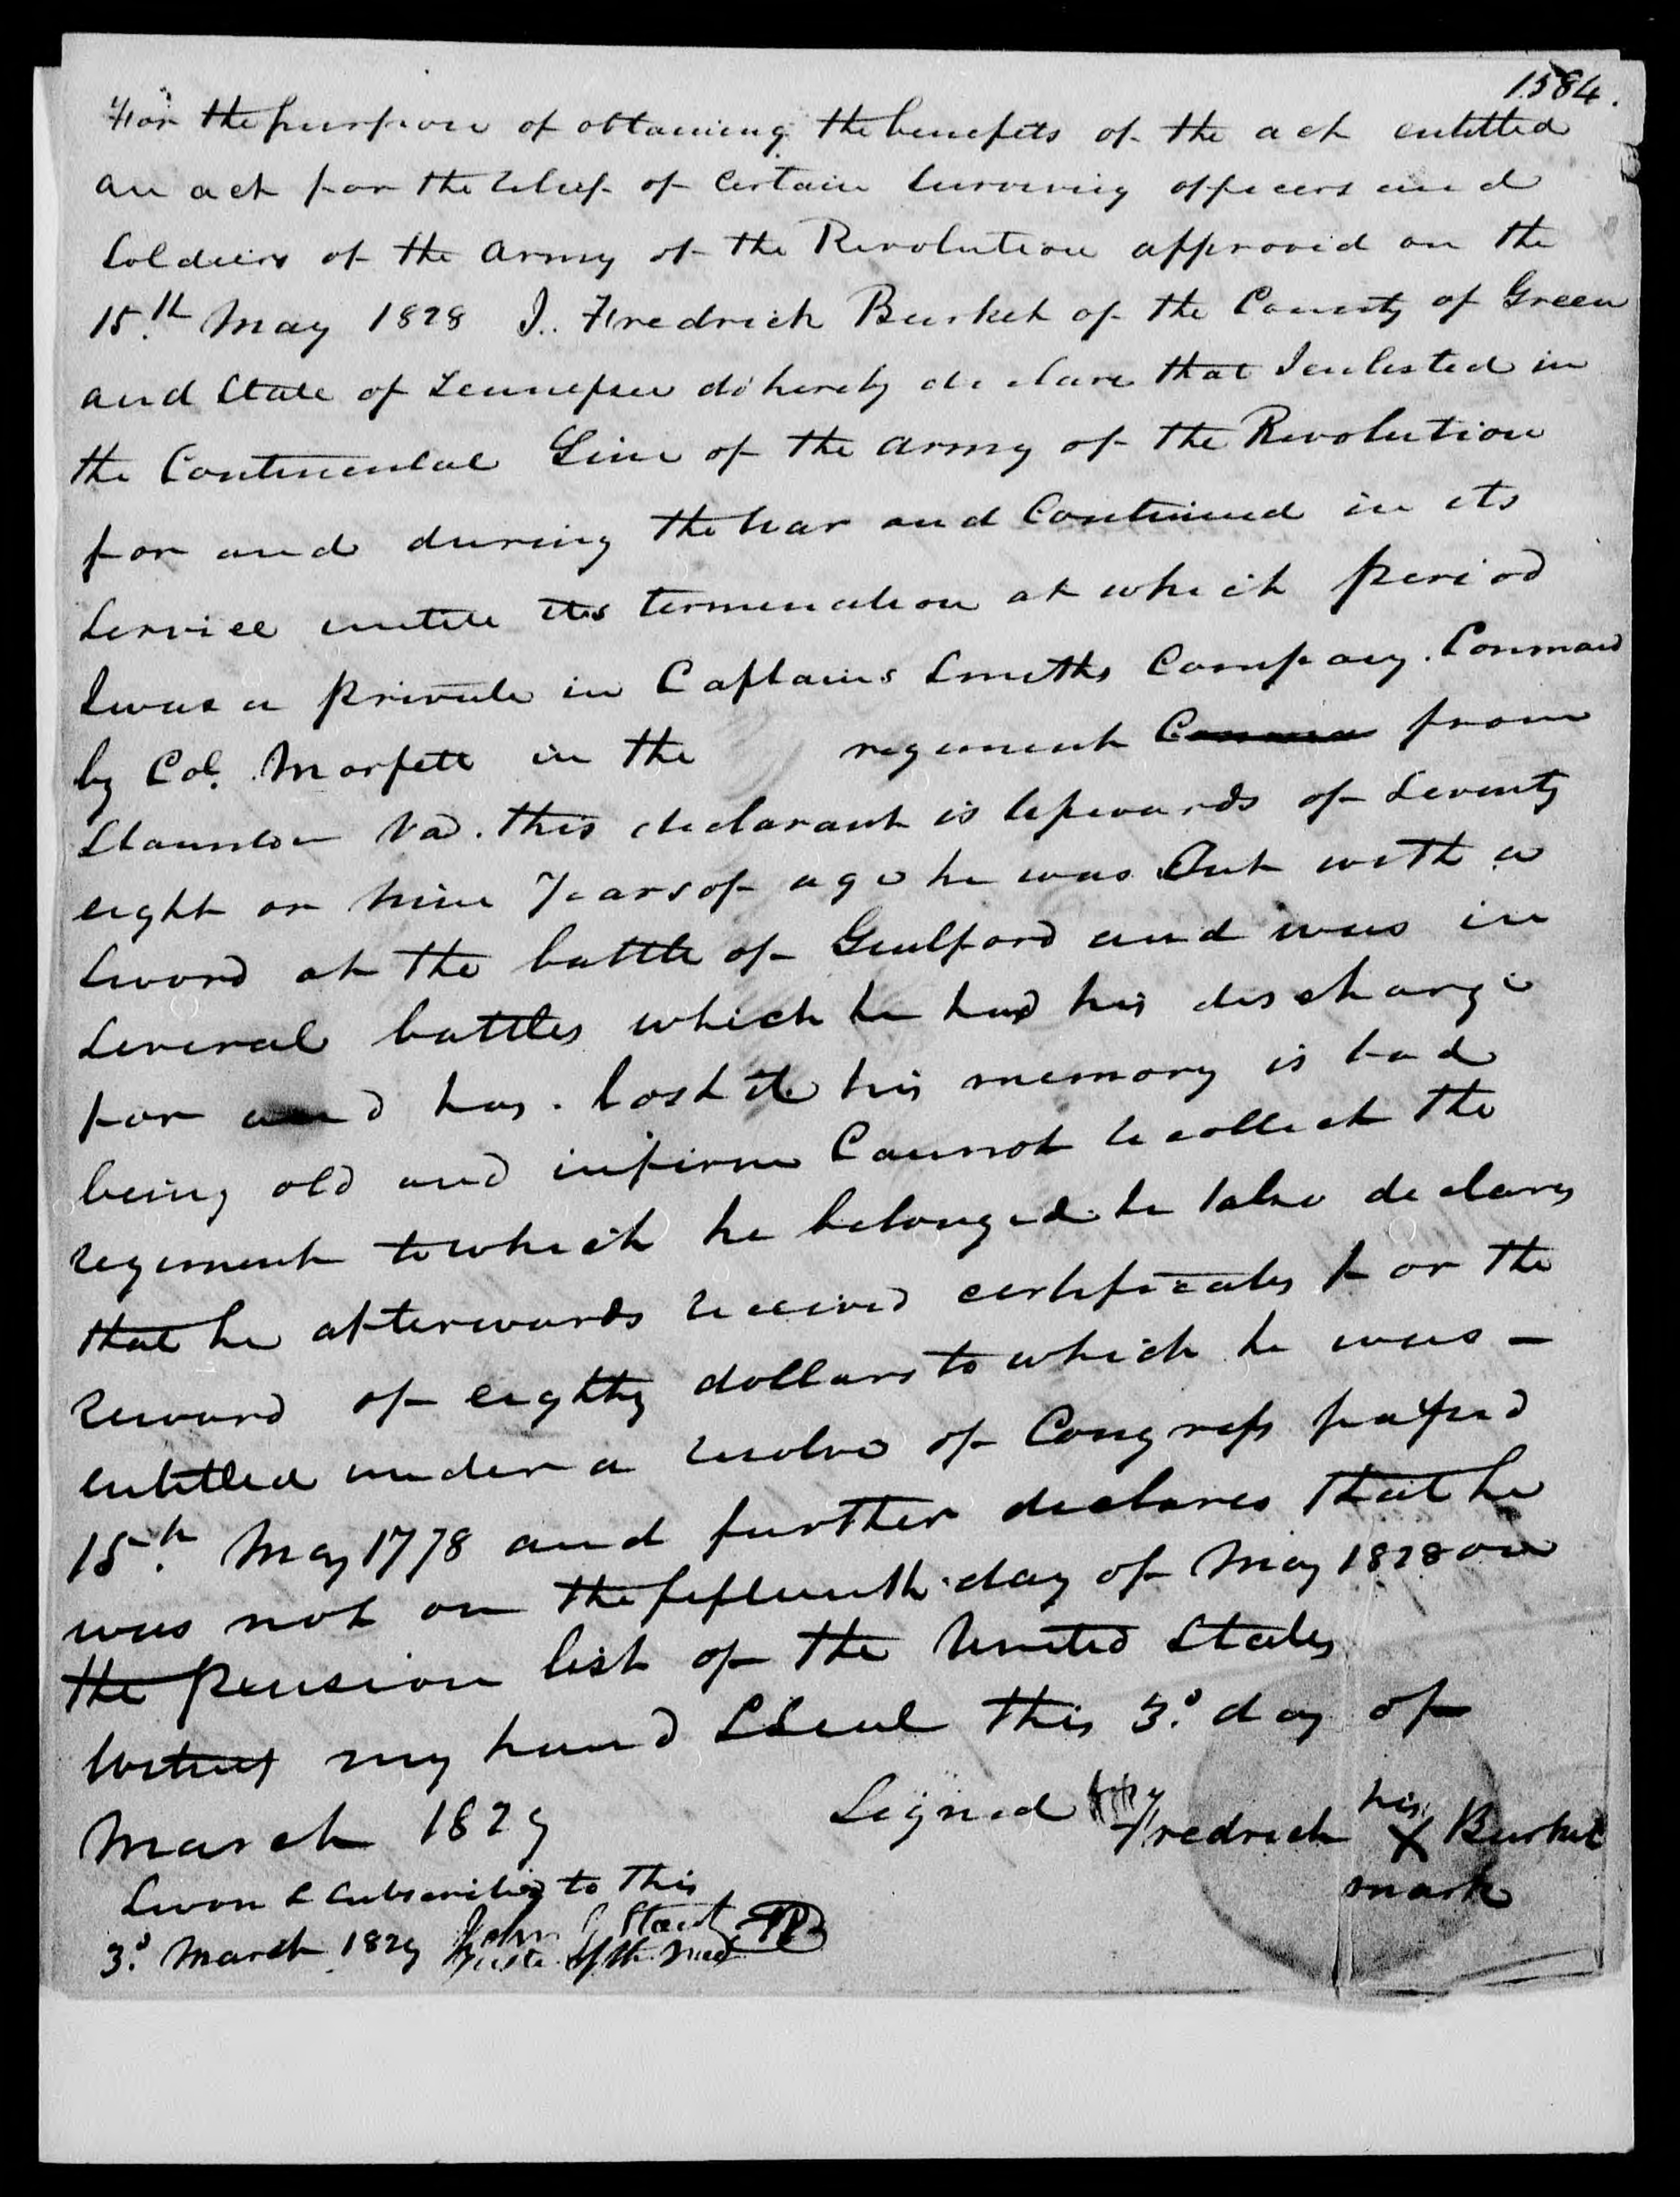For the purpose of obtaining the benefits of the Act entitled an Act for the relief of certain surviving officers and soldiers of the Army of the Revolution approved on the 15th May 1828 I Frederick Burket of the County of Green and State of Tennessee do hereby declare that I enlisted in the Continental Line of the Army of the Revolution for and during the termination at which period I was a private in Captains Smiths Company commanded by Col. Morfett in the regiment from Stanton Va. this declarant is upwards of seventy eight or nine years of age he was Cut with a sword at the battle of Guilford and was in several battles which he had his discharge for and has lost it his memory is bad being old and infirm cannot recollect the regiment to which he belonged he also declares that he afterwards received certificates for the reward of eighty dollars to which he was – entitled under a resolve of Congress passed 15th May 1778 and further declares that he was not on the fifteenth day of May 1878 and the pension list of the United States

Witness my hand & seal this 3rd day of March 1829

Signed Fredrick X Burket
(X his mark)

Sworn & subscribed to this 3rd March 1829
John G Stout JP (Seal)
Justice of the peace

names: Fredrick Burket, Morfett, Fredrick Burket, John G Staut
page: 28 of 47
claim: survivor's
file: S. 3102, Frederick Burket, Va.